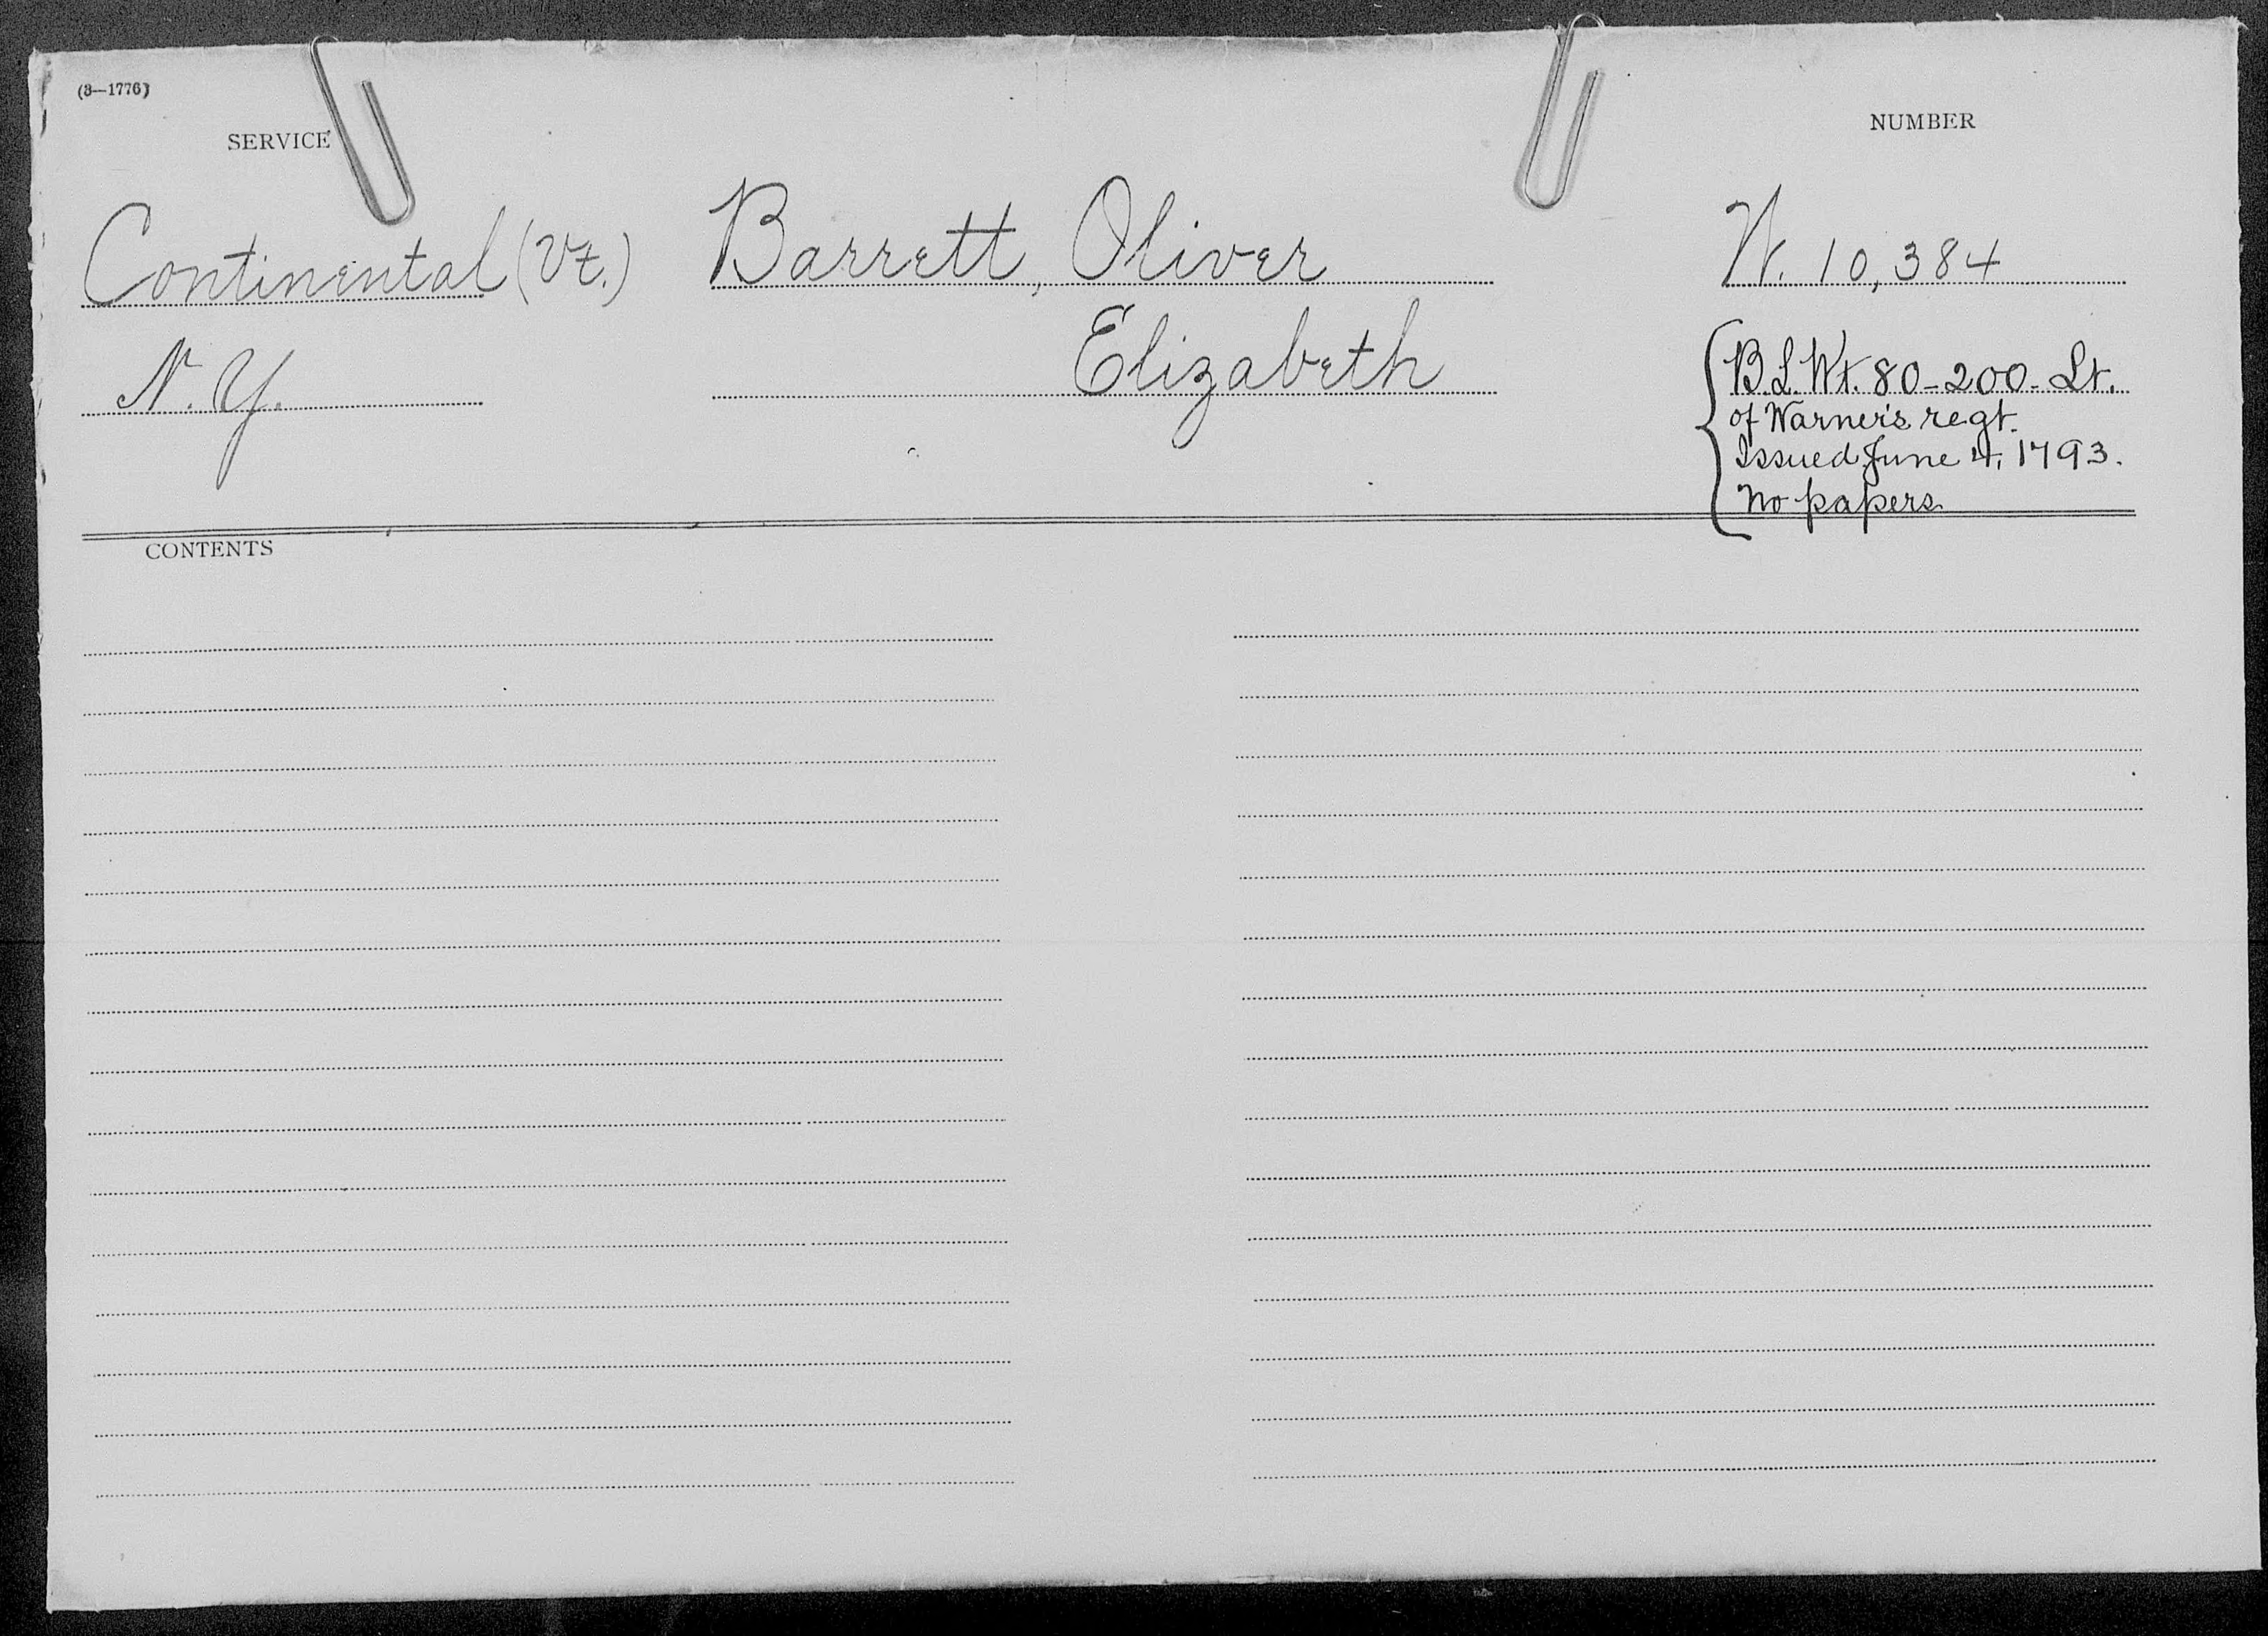(3-1776)

Service
Continental (Vt.)
N.Y. 

Barrett, Oliver
Elizabeth 

Number
W. 10.384
B.L. Wt 80.200 Lt. 
of Warner's regt. 
Issued June 4, 1793.
No papers

Contents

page: 1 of 83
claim: widow's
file: W. 10,384, Oliver Barrett, Continental (Vt.) N.Y.